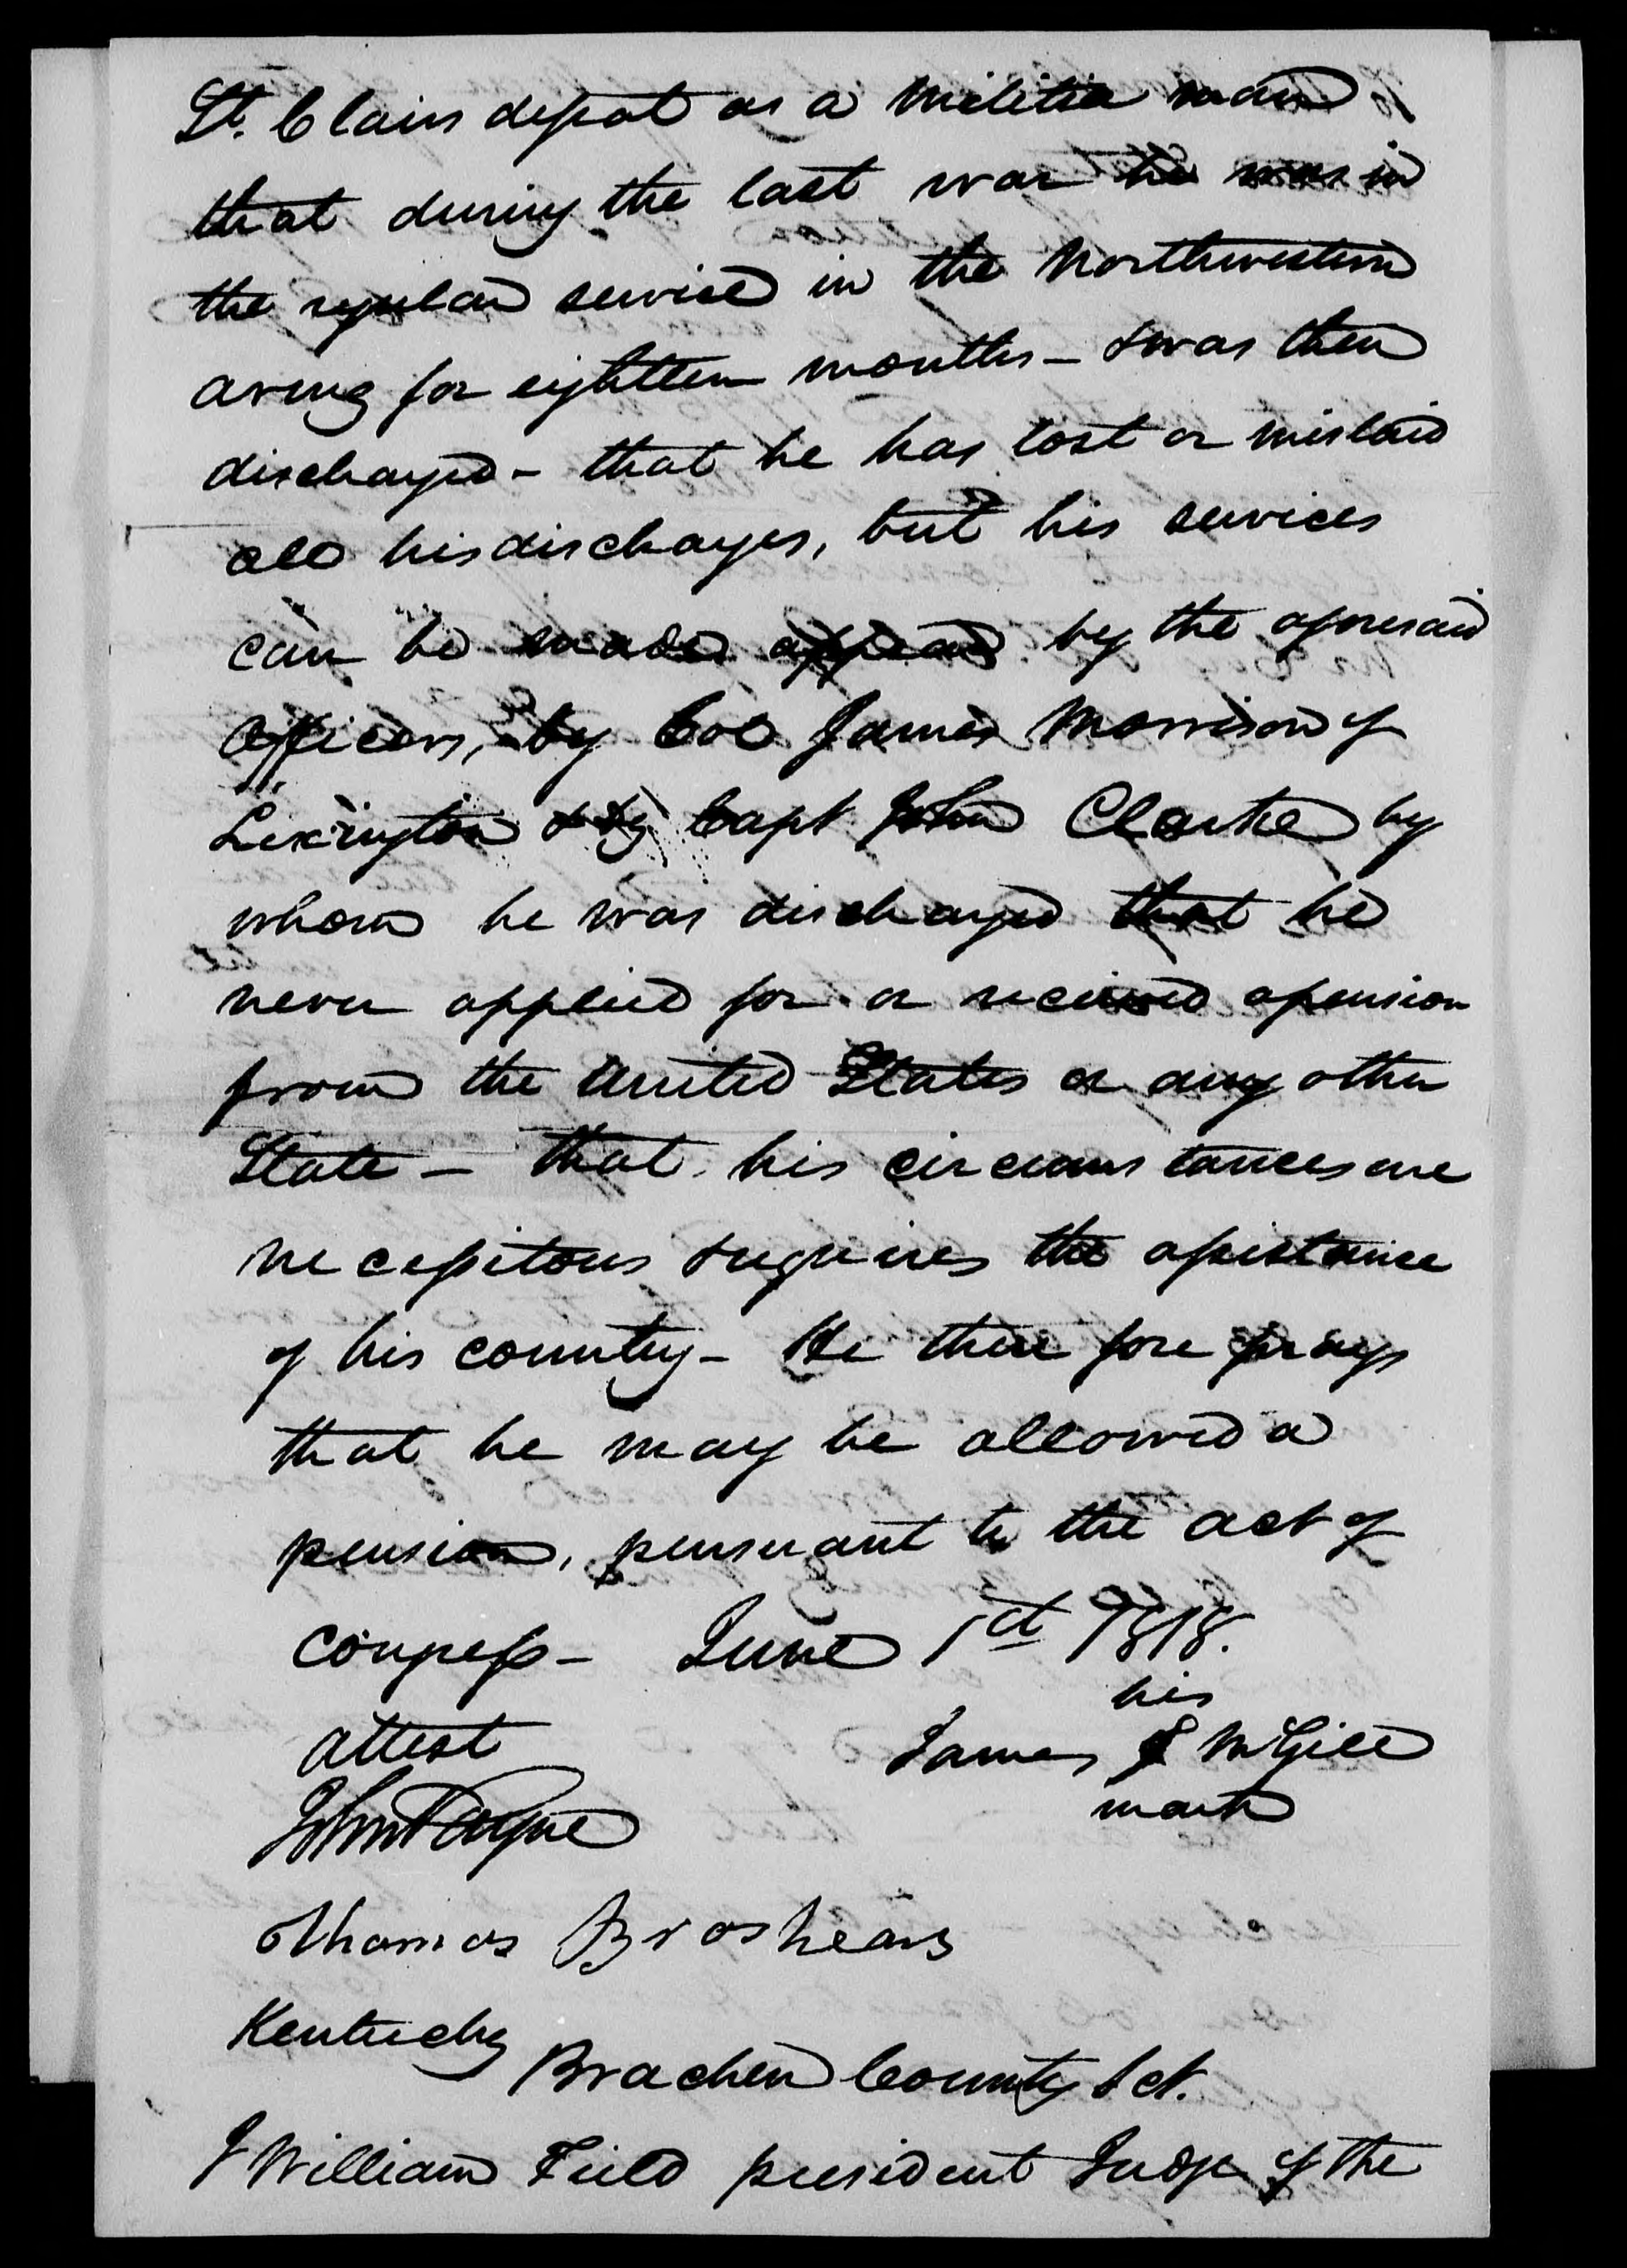image 75   (# 4160873_00075)    
Fold3 File #23857242
[continued from image 74]

St. Clairs defeat as a militia man that during the last war he was in the regular service in the northwestern army for eighteen months  -- and was then discharged --that he has lost or mislaid all his discharges, but his services can be made appear [apparent] by the aforesaid officers, by Col James Morrison of Lexington Ky, and by Capt John Clarke by whom he was discharged, that he never applied for or received a pension from the United States or any other state -- that his circumstances are necessitous and requires the assistance of his country. He therefore prays that he may be allowed a pension, pursuant to the act of Congress -  June 1st 1818.          
James McGill [his mark]
attest   John Payne 
Thomas Broshears
Kentucky Bracken County Sct.   
I William Field, President Judge of the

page: 18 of 71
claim: widow's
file: W. 8428, for James Mc Gill, Pennsylvania